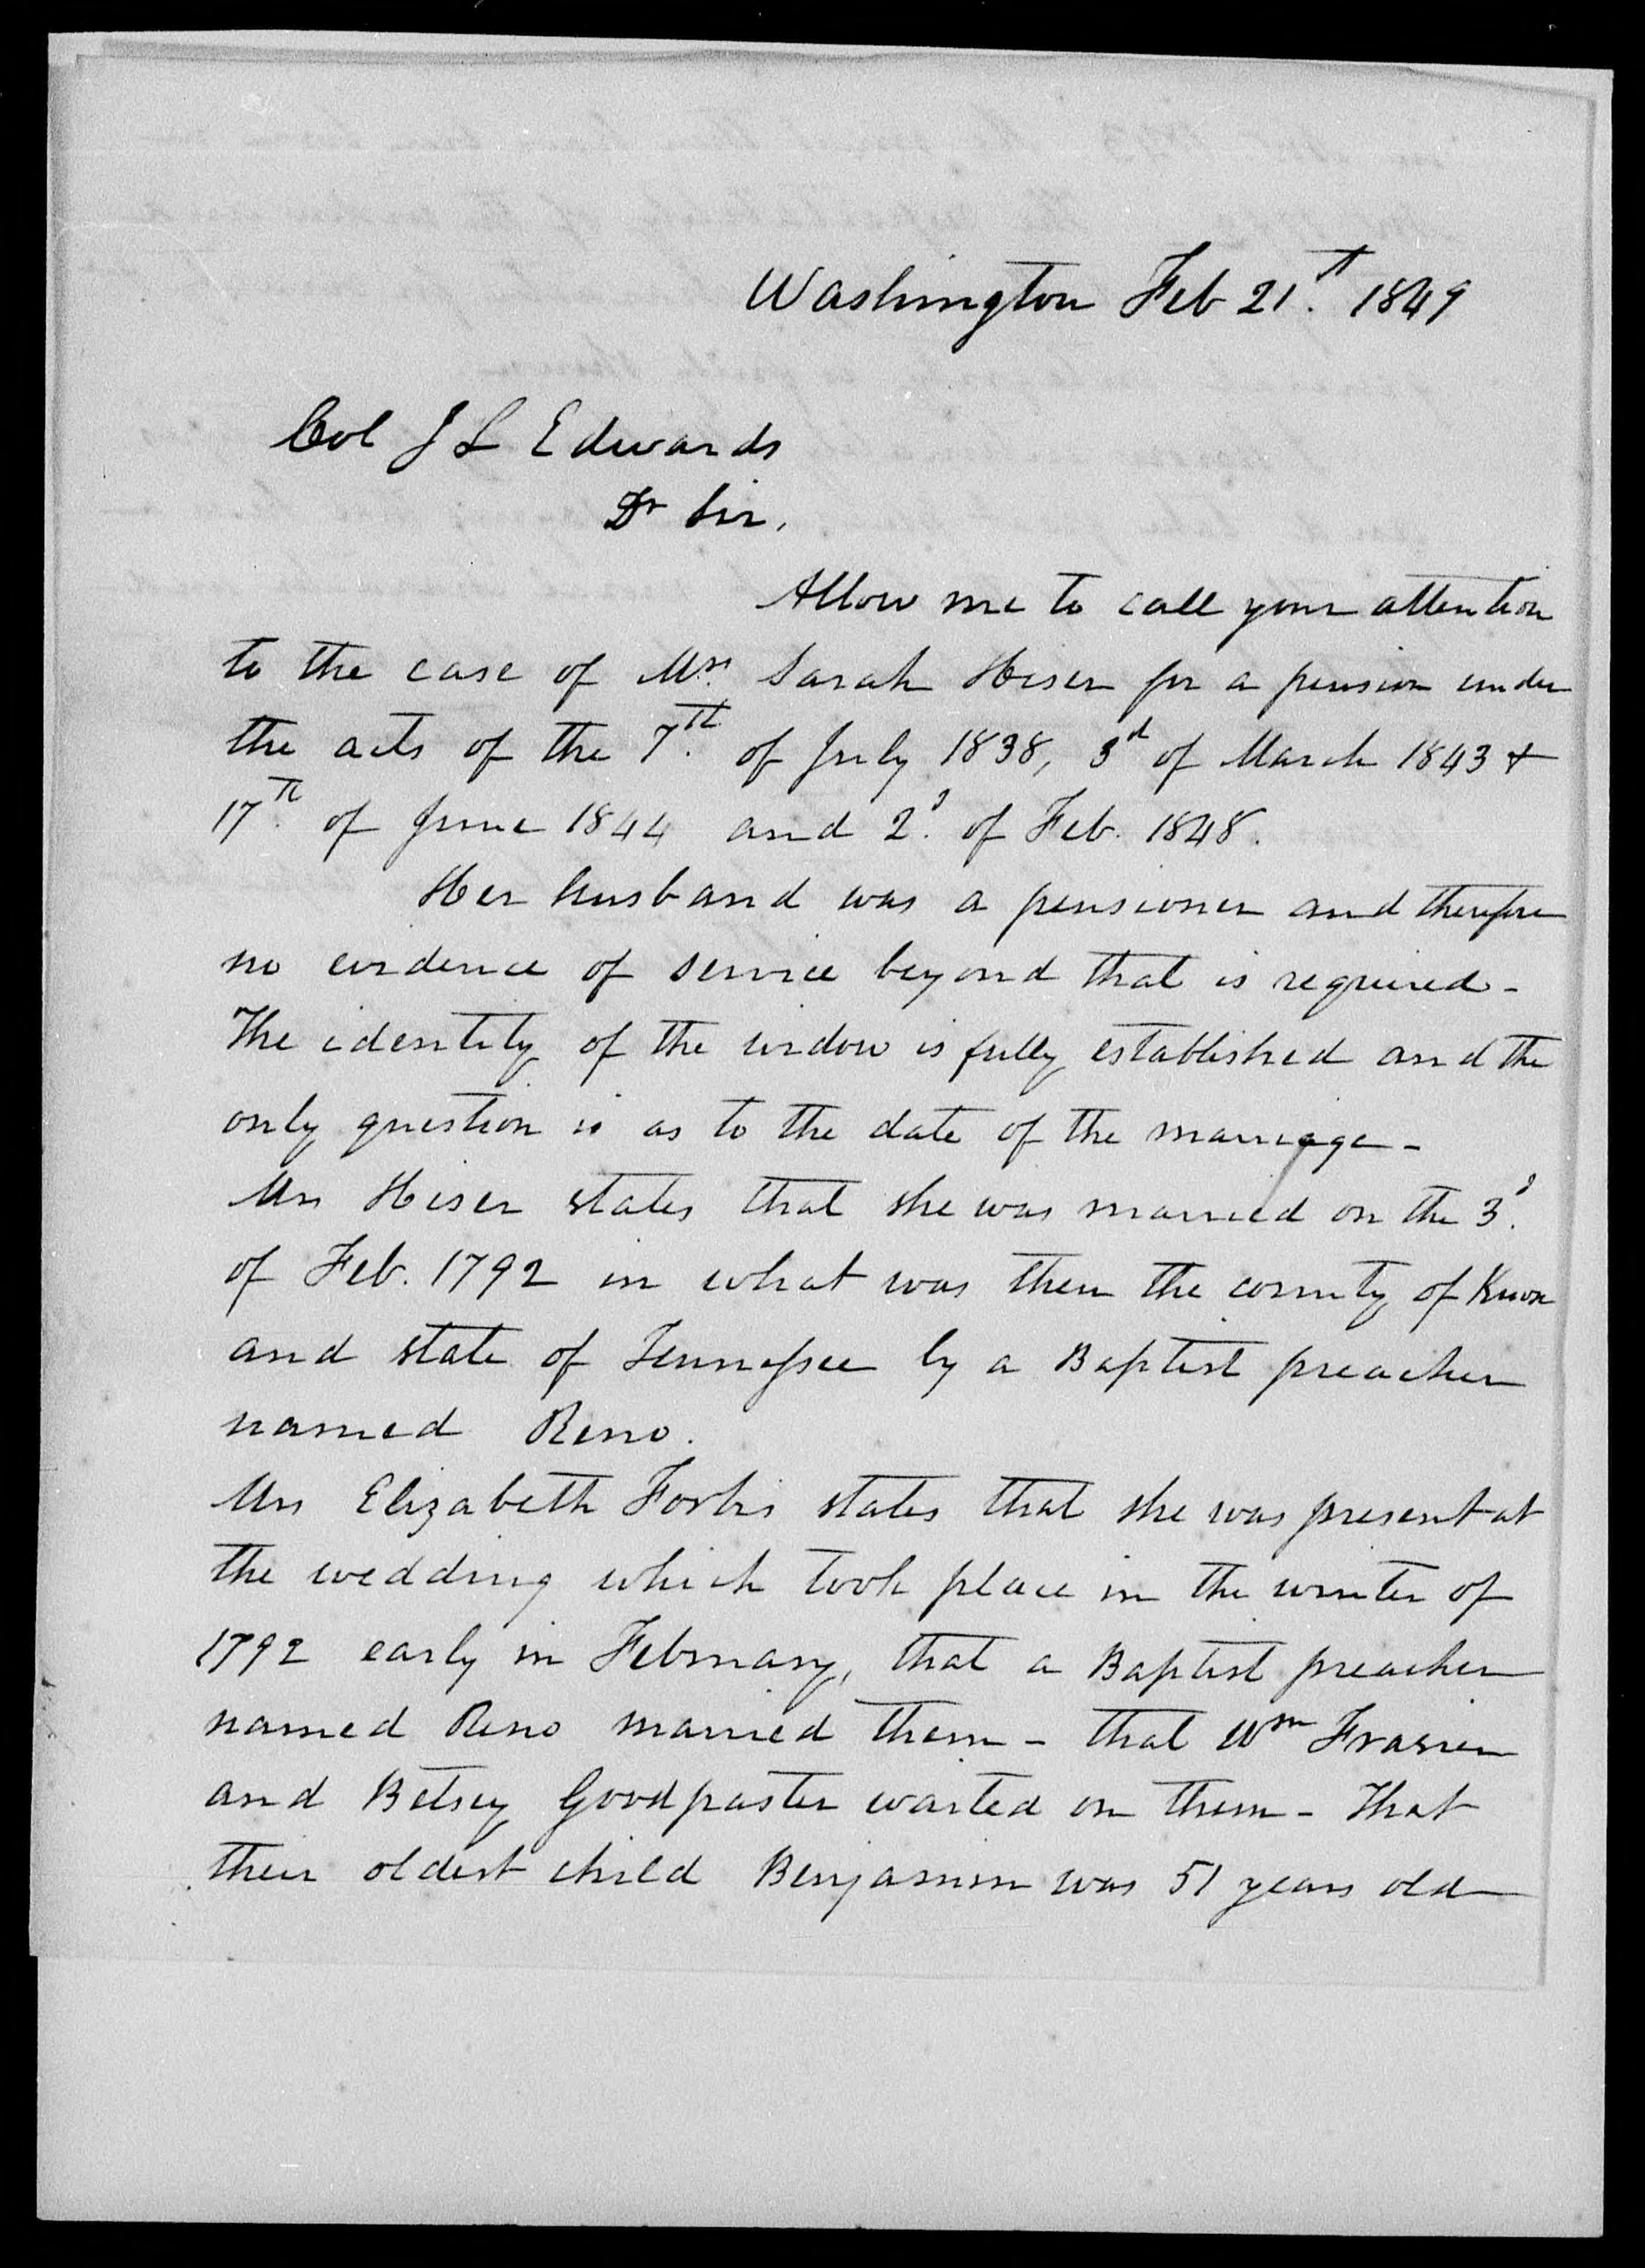Washington Feb 21st, 1849
Col J L Edwards

Dr sir,
Allow me to to call your attention to the case of Mrs. Sarah Hiser for a pension under the acts of the 7th of July 1838, 3rd of March 1843 & 17th of June 1844 and 2nd of Feb. 1848.

Her husband was a pensioner and therefore no evidence of service beyond that is required.  The identity of the widow is fully established and the only question is as to the date of the marriage.  Mrs. Hiser states that she was married on the 3rd of Feb. 1792 in what was then the county of Knox and state of Tennessee by a Baptist preacher named Reno.

Mrs. Elizabeth Forbis states that she was present at the wedding which took place in the winter of 1792 early in February, that a Baptist preacher named Reno married them.  That Wm Frazier and Betsey Goodpaster waited on them.  That their oldest child Benjamin was 51 years old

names: Sarah Hiser, Benjamin, J L Edwards, Betsey Goodpaster, Wm Frazier, Reno, Elizabeth Forbis, Reno, Hiser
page: 41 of 58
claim: widow's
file: W. 8932, John Hiser, Penn.